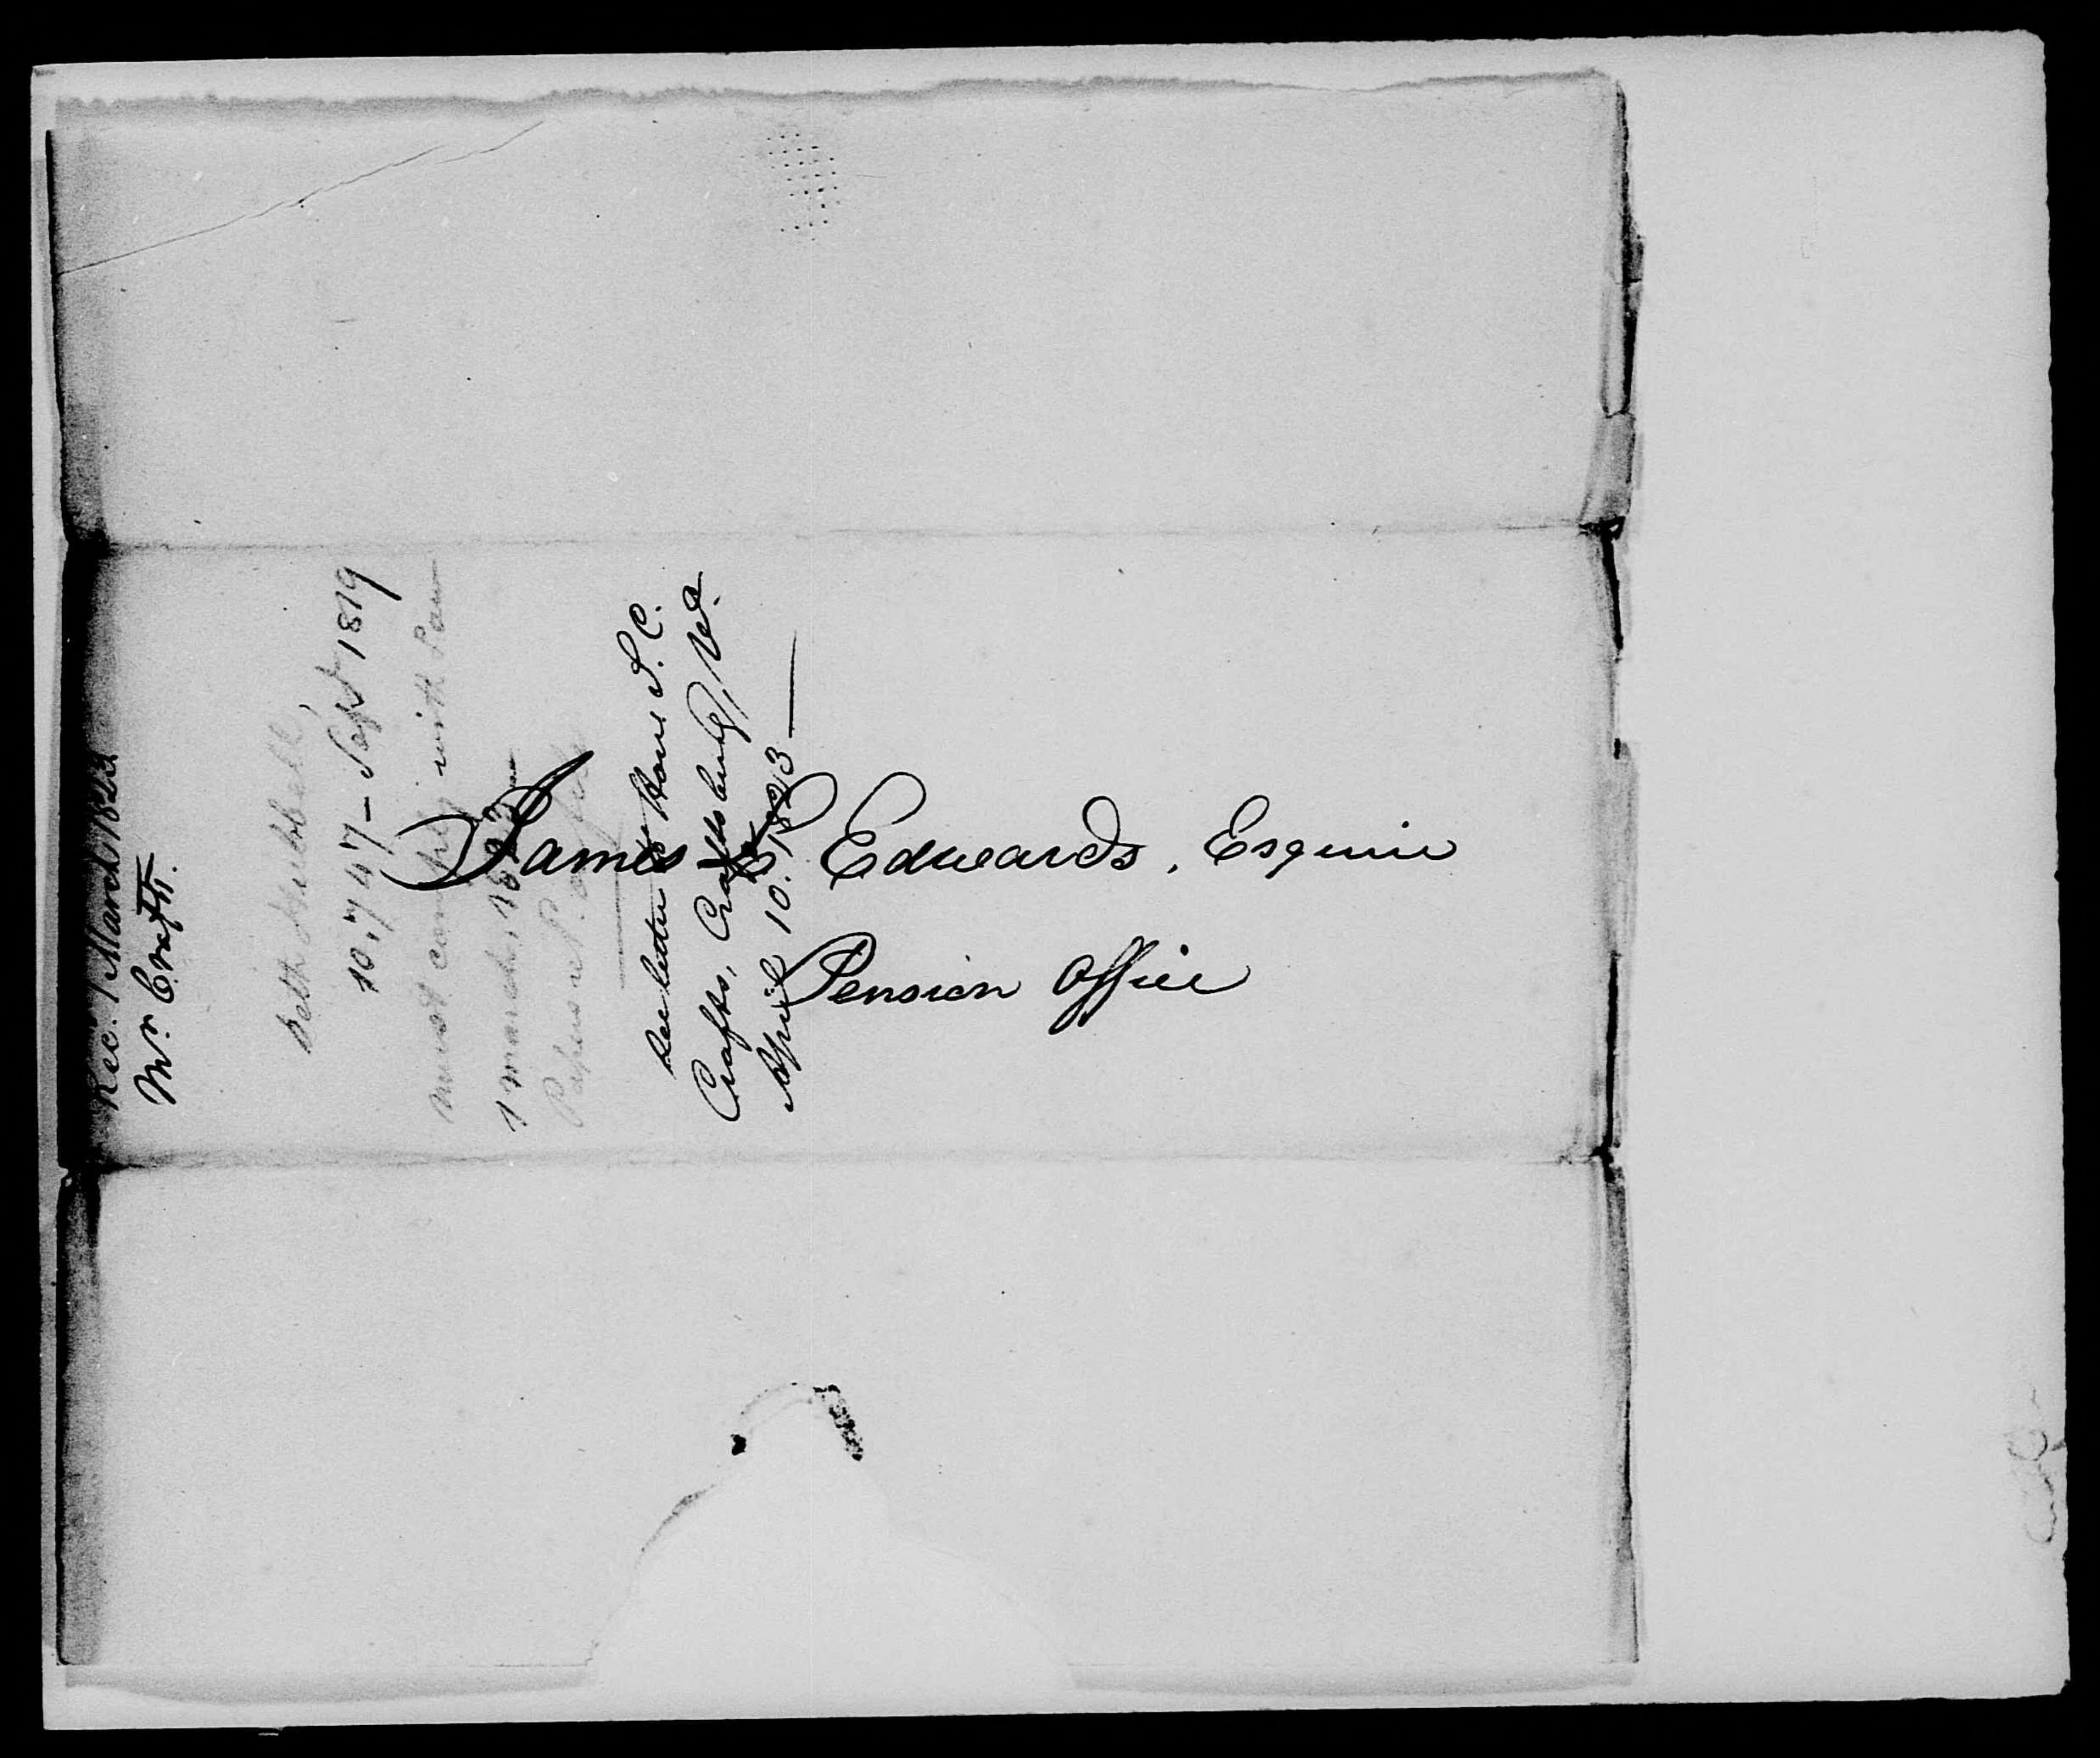James L. Edwards, Esquire
Pension Office

[written perpendicularly and partially under the above script:] 

Rec. 1 March 1828
Mr. Craft"

Seth Hubbell
10.747 - Sept 1819
Must comply with Law
1 March 1823
Papers at office

See letter to Hon. S. C. 
Crafts, Craftsbury, VT
April 10. 1823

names: S C Crafts, James L Edwards, Seth Hubbell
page: 66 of 114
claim: widow's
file: W. 2115, Seth Hubbell, Conn.